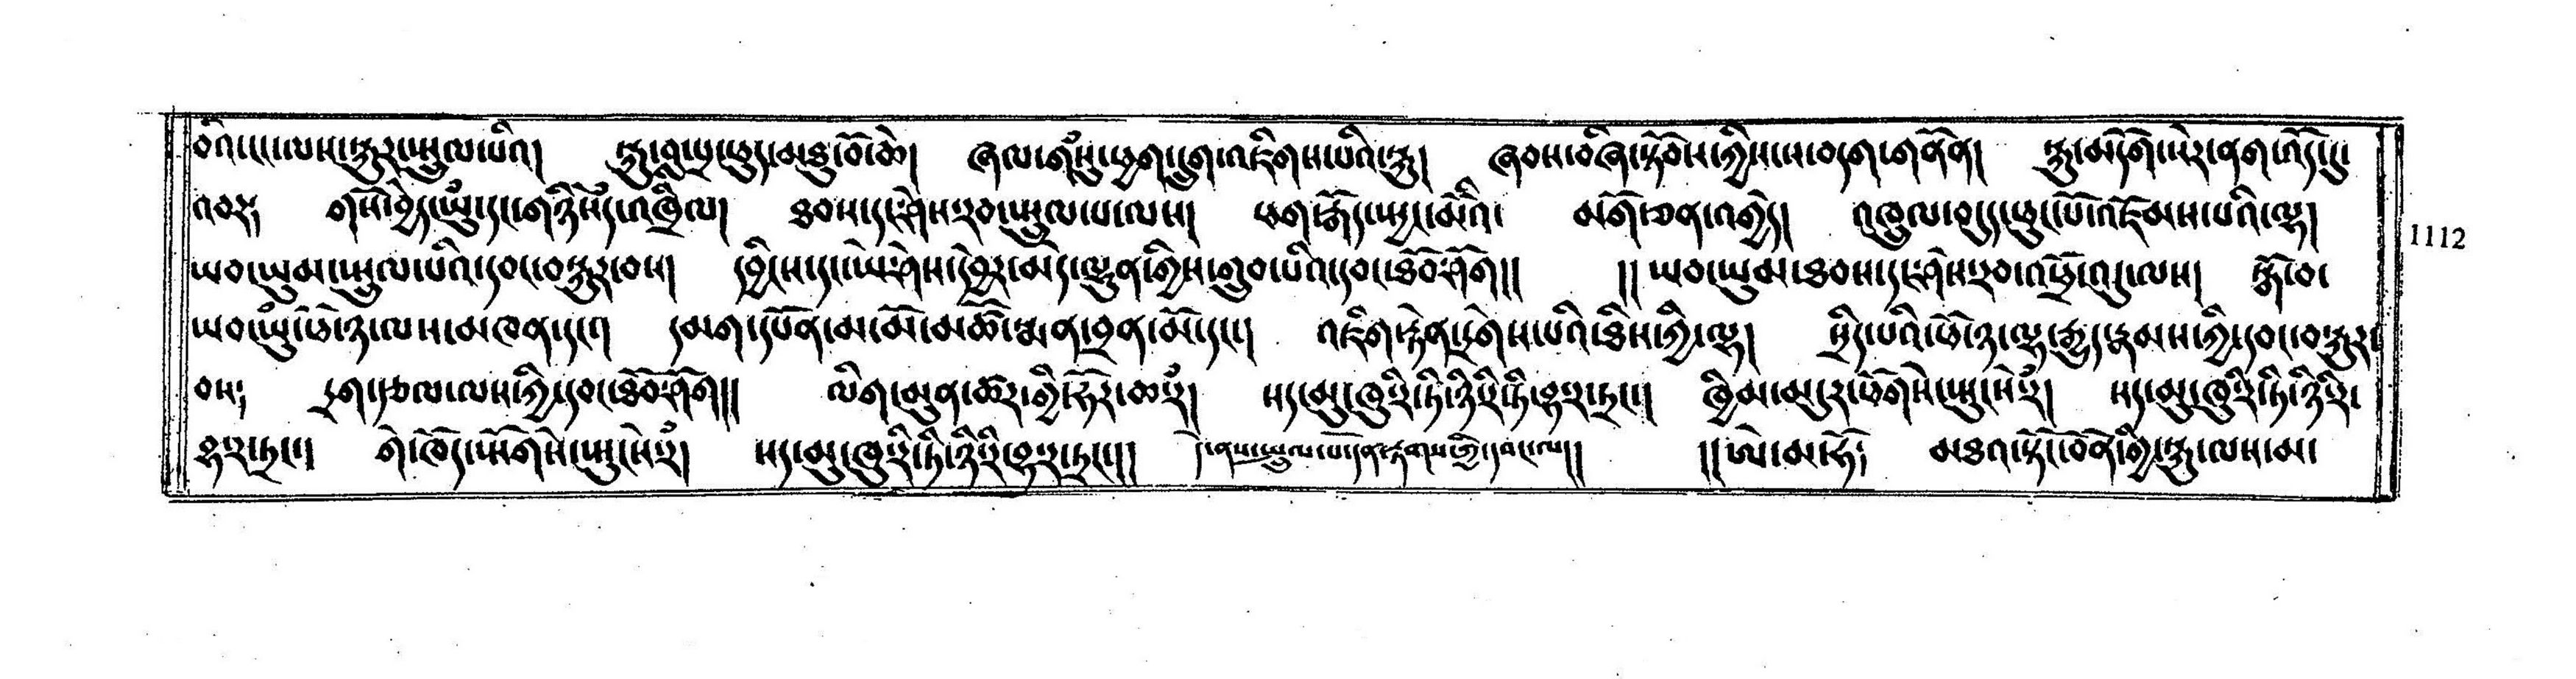བའི་ངང་ལས་སྐུར་སྤྲུལ་པའི། སྐུ་བླ་པྲ་ཕུད་མཐུ་བོ་ཆེ། ཞལ་གསུམ་ཕྱག་དྲུག་འཇིགས་པའི་སྐུ། ཞབས་བཞི་སྟོབས་ཀྱིས་ས་བདག་གནོན། སྐུ་མདོག་སེར་ནག་འོད་དུ་
འབར། གསོ་བྱེད་ཡུམ་དང་གཉིས་མེད་འཁྲིལ། ཐབས་དང་ཤེས་རབ་སྤྲུལ་པ་ལས། {1132} ཕག་རྒོད་སྤྱང་མོའི་མགོ་ཅན་འགྱེད། འཁྲུལ་བདུད་ཕུང་པོ་འཇོམས་པའི་ལྷ། 
ཡབ་ཡུམ་སྤྲུལ་པའི་དབང་བསྐུར་བས། དབྱིངས་དང་ཡེ་ཤེས་དབྱེར་མེད་ལྷུན་གྱིས་གྲུབ་པའི་དབང་ཐོབ་ཤོག །།ཡབ་ཡུམ་ཐབས་དང་ཤེས་རབ་འཕྲོ་འདུ་ལས། སྒོ་བ་
ཡབ་ཡུམ་ཕོ་ཉ་ལས་མཁན་དང་། དམག་དཔོན་མ་མོ་མཚོ་སྨན་བྲན་མོ་དང་། འཇིག་རྟེན་དྲེགས་པའི་ཐིས་ཀྱི་ལྷ། སྲིད་པའི་ཕོ་ཉ་ལྷ་རྒྱུད་རྣམས་ཀྱི་དབང་བསྐུར་
བས། དྲག་རྩལ་ལས་ཀྱི་དབང་ཐོབ་ཤོག །།ལིག་མུན་ཚར་གྱི་ཧོར་ཆ་རཾ། སད་མུ་ཁུ་རི་ཏི་ཉི་རི་ཏི་བྷ་ར་དྲང་། ཁྱིམ་མདུར་ཕོགས་སེ་སྤུངས་སེ་རཾ། སད་མུ་ཁུ་རི་ཏི་ཉི་རི་
བྷ་ར་དྲང་། གེ་ཁོད་སྤོགས་སེ་སྤུངས་སེ་རཾ། སད་མུ་ཁུ་རི་ཏི་ཉི་རི་བྷ་ར་ཏྲང་།། དེ་ནས་སྤྲུལ་པ་དོན་རྟགས་ཀྱི་དབང་ལ།། །།ཨེ་མ་ཧོ། མཐའ་སྟོང་བོན་གྱི་སྐུ་ལས་མ་